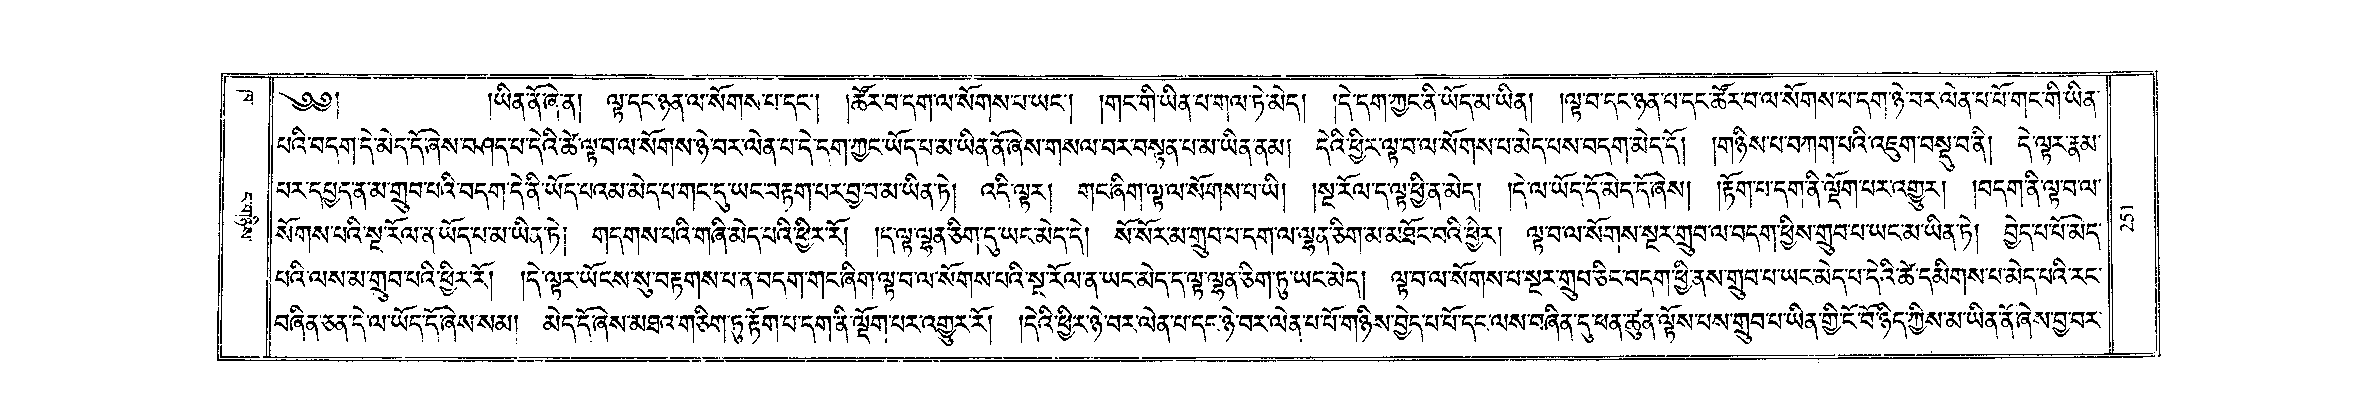༄༅། །ཡིན་ནོ་ཞེ་ན། ལྟ་དང་ཉན་ལ་སོགས་པ་དང་། །ཚོར་བ་དག་ལ་སོགས་པ་ཡང་། །གང་གི་ཡིན་པ་གལ་ཏེ་མེད། །དེ་དག་ཀྱང་ནི་ཡོད་མ་ཡིན། །ལྟ་བ་དང་ཉན་པ་དང་ཚོར་བ་ལ་སོགས་པ་དག་ཉེ་བར་ལེན་པ་པོ་གང་གི་ཡིན་
པའི་བདག་དེ་མེད་དོ་ཞེས་བཤད་པ་དེའི་ཚེ་ལྟ་བ་ལ་སོགས་ཉེ་བར་ལེན་པ་དེ་དག་ཀྱང་ཡོད་པ་མ་ཡིན་ནོ་ཞེས་གསལ་བར་བསྟན་པ་མ་ཡིན་ནམ། དེའི་ཕྱིར་ལྟ་བ་ལ་སོགས་པ་མེད་པས་བདག་མེད་དོ། །གཉིས་པ་བཀག་པའི་འཇུག་བསྡུ་བ་ནི། དེ་ལྟར་རྣམ་
པར་དཔྱད་ན་མ་གྲུབ་པའི་བདག་དེ་ནི་ཡོད་པའམ་མེད་པ་གང་དུ་ཡང་བརྟག་པར་བྱ་བ་མ་ཡིན་ཏེ། འདི་ལྟར། གང་ཞིག་ལྟ་ལ་སོགས་པ་ཡི། །སྔ་རོལ་ད་ལྟ་ཕྱི་ན་མེད། །དེ་ལ་ཡོད་དོ་མེད་དོ་ཞེས། །རྟོག་པ་དག་ནི་ལྡོག་པར་འགྱུར། །བདག་ནི་ལྟ་བ་ལ་
སོགས་པའི་སྔ་རོལ་ན་ཡོད་པ་མ་ཡིན་ཏེ། གདགས་པའི་གཞི་མེད་པའི་ཕྱིར་རོ། །ད་ལྟ་ལྷན་ཅིག་དུ་ཡང་མེད་དེ། སོ་སོར་མ་གྲུབ་པ་དག་ལ་ལྷན་ཅིག་མ་མཐོང་བའི་ཕྱིར། ལྟ་བ་ལ་སོགས་སྔར་གྲུབ་ལ་བདག་ཕྱིས་གྲུབ་པ་ཡང་མ་ཡིན་ཏེ། བྱེད་པ་པོ་མེད་
པའི་ལས་མ་གྲུབ་པའི་ཕྱིར་རོ། །དེ་ལྟར་ཡོངས་སུ་བརྟགས་པ་ན་བདག་གང་ཞིག་ལྟ་བ་ལ་སོགས་པའི་སྔ་རོལ་ན་ཡང་མེད་ད་ལྟ་ལྷན་ཅིག་ཏུ་ཡང་མེད། ལྟ་བ་ལ་སོགས་པ་སྔར་གྲུབ་ཅིང་བདག་ཕྱི་ནས་གྲུབ་པ་ཡང་མེད་པ་དེའི་ཚེ་དམིགས་པ་མེད་པའི་རང་
བཞིན་ཅན་དེ་ལ་ཡོད་དོ་ཞེས་སམ། མེད་དོ་ཞེས་མཐའ་གཅིག་ཏུ་རྟོག་པ་དག་ནི་ལྡོག་པར་འགྱུར་རོ། །དེའི་ཕྱིར་ཉེ་བར་ལེན་པ་དང་ཉེ་བར་ལེན་པ་པོ་གཉིས་བྱེད་པ་པོ་དང་ལས་བཞིན་དུ་ཕན་ཚུན་ལྟོས་པས་གྲུབ་པ་ཡིན་གྱི་ངོ་བོ་ཉིད་ཀྱིས་མ་ཡིན་ནོ་ཞེས་བྱ་བར་